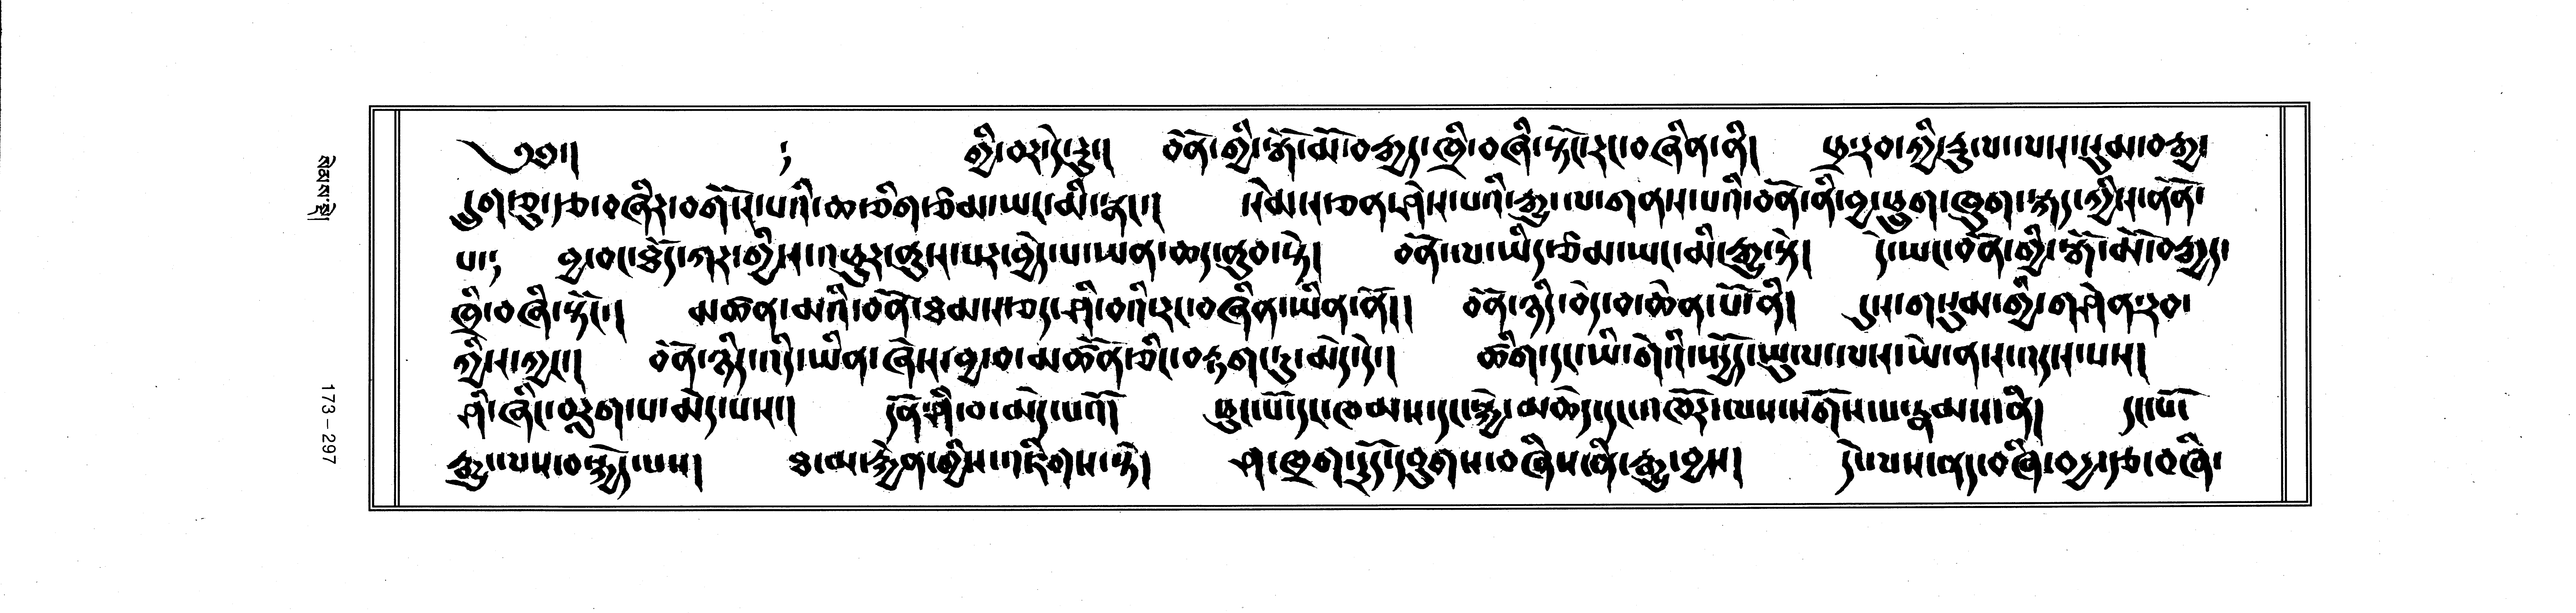གྱི་བར་དེ་རུ། བོན་གྱི་སྒོ་མོ་བརྒྱད་ཁྲི་བཞི་སྟོང་རང་བཞིན་ནི། ཕྲ་རབ་ཀྱི་རྡུལ་ལས་སུམ་བརྒྱ་
དྲུག་ཅུ་རྩ་བཞིར་བགོས་པའི་ཆ་གཅིག་ཙམ་ཡང་མི་སྣང་། སེམས་ཅན་ཤེས་པའི་རྒྱུ་ལ་གནས་པའི་བོན་ནི་བྱ་ཕྲུག་ཁུག་སྐད་ཀྱིས་ནོན་
པ། བྱ་བང་ཐོད་ཀར་གྱིས་འཕུར་ནུས་པར་བྱེད་པ་ཡན་ཆད་ནུབ་སྟེ། བོན་ལ་ཡིད་ཙམ་ཡང་མི་རྒྱུ་སྟེ། དེ་ཡང་བོན་གྱི་སྒོ་མོ་བརྒྱད་
ཁྲི་བཞི་སྟོང་། མཚན་མའི་བོན་ཐམས་ཅད་ཤི་བའི་རང་བཞིན་ཡིན་ནོ། །བོན་ཉིད་བདེ་བ་ཆེན་པོ་ནི། དུས་གསུམ་གྱི་གཤེན་རབ་
ཀྱིས་ཀྱང་། བོན་ཉིད་འདི་ཡིན་ཞེས་བྱ་བ་མཚོན་ཅིང་བརྟག་ཏུ་མེད་དེ། ཚིག་དང་ཡི་གེའི་སྤྱོད་ཡུལ་ལས་ཡེ་ནས་འདས་པས། 
ཤི་ཞིང་བརླག་པ་མེད་པས། དོན་ཤི་བ་མེད་པའོ། །ཕུང་པོ་དང་ཁམས་དང་སྐྱེ་མཆེད་དང་འཁོར་ལ་སོགས་པ་རྣམས་ནི། དང་པོ་
རྒྱུ་ལས་བསྐྱེད་པས། ཐ་མ་རྐྱེན་གྱིས་འཇིགས་ཏེ། ཤ་ཁྲག་དྲོད་དབུགས་བཞིས་ནི་རྒྱུ་བྱས། དེ་ལས་ནད་བཞི་བརྒྱ་རྩ་བཞི་